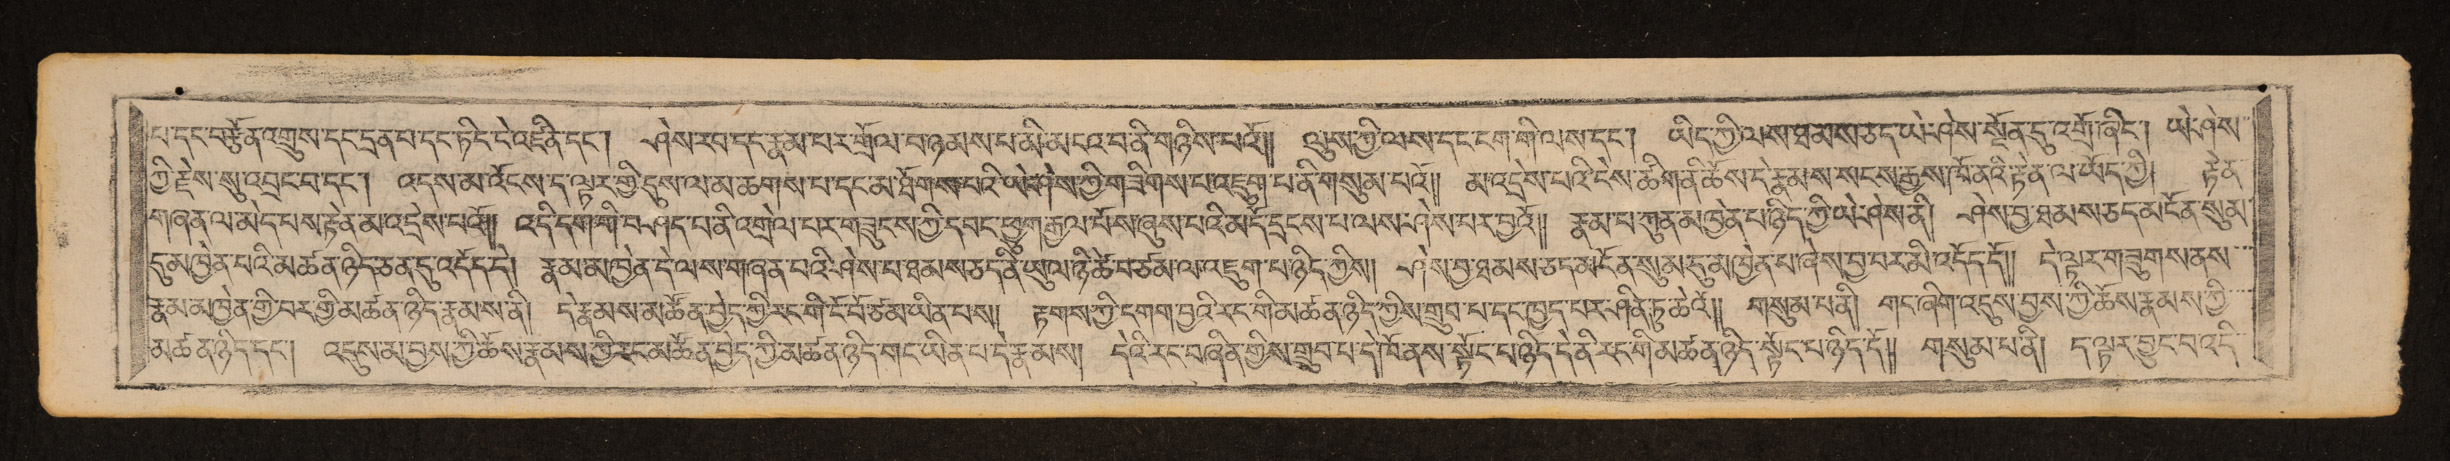པ་དང་བརྩོན་འགྲུས་དང་དྲན་པ་དང་ཏིང་ངེ་འཛིན་དང་། ཤེས་རབ་དང་རྣམ་པར་གྲོལ་བ་ཉམས་པ་མི་མངའ་བ་ནི་གཉིས་པའོ།། ལུས་ཀྱི་ལས་དང་ངག་གི་ལས་དང་། ཡིད་ཀྱི་ལས་ཐམས་ཅད་ཡེ་ཤེས་སྔོན་དུ་འགྲོ་ཞིང་། ཡེ་ཤེས་
ཀྱི་རྗེས་སུ་འབྲང་བ་དང་། འདས་མ་འོངས་ད་ལྟར་གྱི་དུས་ལ་མ་ཆགས་པ་དང་མ་ཐོགས་པའི་ཡེ་ཤེས་ཀྱི་གཟིགས་པ་འཇུག་པ་ནི་གསུམ་པའོ།། མ་འདྲེས་པའི་ངེས་ཚིག་ནི་ཆོས་དེ་རྣམས་སངས་རྒྱས་ཁོ་ནའི་རྟེན་ལ་ཡོད་ཀྱི། རྟེན་
གཞན་ལ་མེད་པས་རྟེན་མ་འདྲེས་པའོ།། འདི་དག་གི་བཤད་པ་ནི་འགྲེལ་པར་གཟུངས་ཀྱི་དབང་ཕྱུག་རྒྱལ་པོས་ཞུས་པའི་མདོ་དྲངས་པ་ལས་ཤེས་པར་བྱའོ།། རྣམ་པ་ཀུན་མཁྱེན་པ་ཉིད་ཀྱི་ཡེ་ཤེས་ནི། ཤེས་བྱ་ཐམས་ཅད་མངོན་སུམ་
དུ་མཁྱེན་པའི་མཚན་ཉིད་ཅན་དུ་འདོད་དེ། རྣམ་མཁྱེན་དེ་ལས་གཞན་པའི་ཤེས་བ་ཐམས་ཅད་ནི་ཡུལ་ཉི་ཚེ་བ་ཙམ་ལ་འཇུག་པ་ཉིད་ཀྱིས། ཤེས་བྱ་ཐམས་ཅད་མངོན་སུམ་དུ་མཁྱེན་པ་ཞེས་བྱ་བར་མི་འདོད་དོ།། དེ་ལྟར་གཟུགས་ནས་
རྣམ་མཁྱེན་གྱི་བར་གྱི་མཚན་ཉིད་རྣམས་ནི། དེ་རྣམས་མཚོན་བྱེད་ཀྱི་རང་གི་ངོ་བོ་ཙམ་ཡིན་པས། རྟགས་ཀྱི་དགག་བྱའི་རང་གི་མཚན་ཉིད་ཀྱིས་གྲུབ་པ་དང་ཁྱད་པར་ཤིན་ཏུ་ཆེའོ།། གསུམ་པ་ནི། གང་ཞིག་འདུས་བྱས་ཀྱི་ཆོས་རྣམས་ཀྱི་
མཚན་ཉིད་དང་། འདུས་མ་བྱས་ཀྱི་ཆོས་རྣམས་ཀྱི་རང་མཚོན་བྱེད་ཀྱི་མཚན་ཉིད་གང་ཡིན་པ་དེ་རྣམས། དེའི་རང་བཞིན་གྱིས་གྲུབ་པ་དེ་ཁོ་ནས་སྟོང་པ་ཉིད་དེ་ནི་རང་གི་མཚན་ཉིད་སྟོང་པ་ཉིད་དོ།། གསུམ་པ་ནི། དེ་ལྟར་བྱུང་བ་འདི་